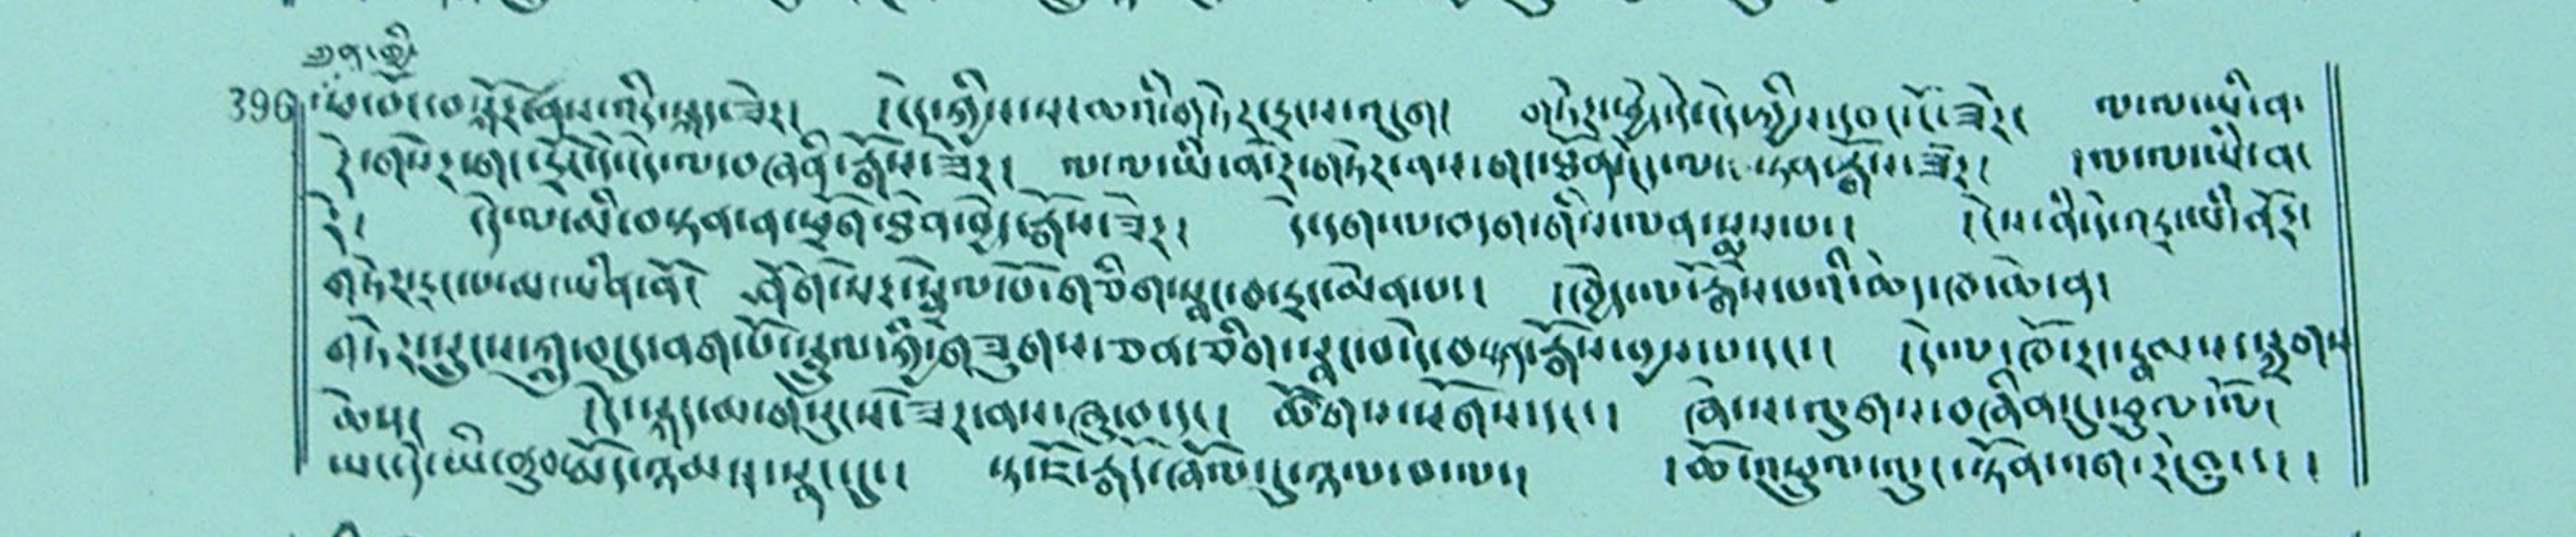ཀུན་ཀྱི་ཕ་བོང་བསྐོར་ནས་འདི་སྐད་ཟེར། ངེད་ཀྱི་ས་ཆའི་གཏེར་དྲངས་འདུག གཏེར་ཕྱེད་དེ་ངེད་ཀྱིས་དབང་ངོ་ཟེར། ལ་ལ་ཡི་ན་
རེ་གསེར་གང་དྲང་དེ་ངེད་ལ་བཞིན་དགོས་ཟེར། ལ་ལ་ཡི་ན་རེ་གཏེར་ནས་གང་ཐོན་ངེད་ལ་བསྟན་རྒོས་ཟེར། ལ་ལ་ཡི་ན་
རེ། ངེད་ལ་མི་སྟེར་ན་ཕྲོག་ཐེན་བྱེད་རྒོས་ཟེར། དེ་དག་ལ་བདག་གིས་ལན་སྨྲས་པ། ངེད་ནི་དེ་འདྲ་ཡི་ནོར་
གཏེར་དྲང་པ་མ་ཡིན་ནོ། །ཤོག་སེར་སྦྲེལ་པོ་གཅིག་སྣང་བ་དྲང་མེན་པ། ཁྱེད་ལ་རྒོས་པའི་ཆེད་ཁ་ཆེ་ན། 
གཏེར་བསྲུངས་ཀླུ་བདུད་ནག་པོ་སྦྲུལ་གྱི་གཟུགས་ཅན་ཅིག་སྣང་བ་དེ་བསྟན་རྒོས་བྱས་པ་དང་། དེ་ལ་ཁོ་རང་རྣམས་སྐྲག་
ཆེས། དེ་སྐད་མ་གསུངས་ཟེར་ནས་ཞུ་བ་དང་། ཚོགས་སོགས་དང་། ཞེ་ས་ལུགས་བཞིན་དུ་ཕུལ་ལོ། །
ཡང་དེ་ཡི་ནུབ་མོ་ཉམས་སྣང་དུ། རྟ་ཇོ་རྒོད་ཞོལ་དུ་ཉལ་བ་ལ། ཆོ་འཕྲུལ་ལུང་སྟོན་འག་རེ་བྱུང་།